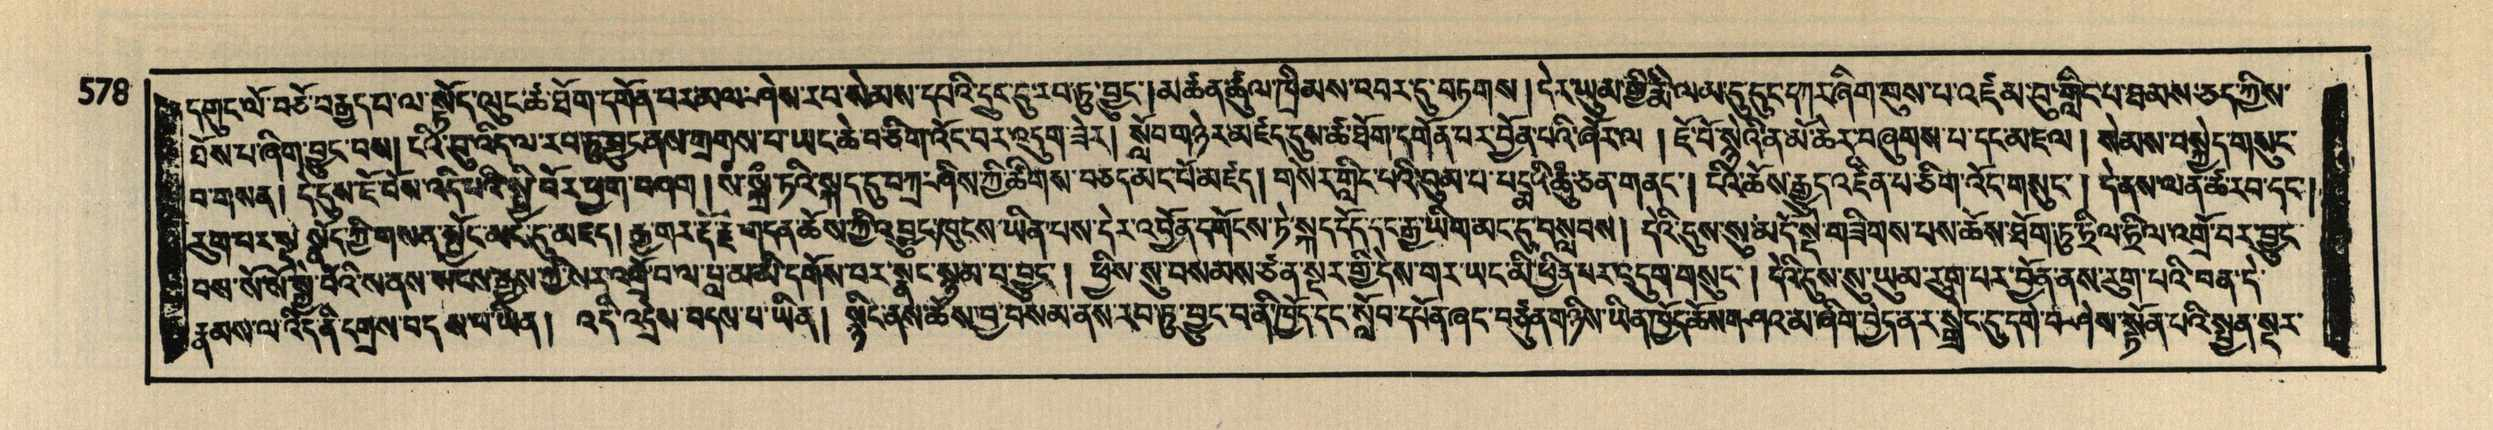དགུང་ལོ་བཅོ་བརྒྱད་པ་ལ་སྟོད་ལུང་ཚ་ཐོག་དགོན་པར་མལ་ཤེས་རབ་སེམས་དཔའི་དྲུང་དུ་རབ་ཏུ་བྱུང་།མཚན་ཚུལ་ཁྲིམས་འབར་དུ་བཏགས་།དེར་ཡུམ་གྱི་རྨི་ལམ་དུ་དུང་དཀར་ཞིག་བུས་པ་འཛམ་བུ་གླིང་པ་ཐམས་ཅད་ཀྱིས་
ཐོས་པ་ཞིག་བྱུང་བས། ངའི་བུ་འདི་ལ་རབ་ཏུ་བྱུང་ནས་གྲགས་པ་ཡང་ཆེ་བ་ཅིག་འོང་བར་འདུག་ཟེར། སློབ་གཉེར་མཛད་དུས་ཚ་ཐོག་དགོན་པར་བྱོན་པའི་ཞོར་ལ་།ཇོ་བོ་སྙེའི་ན་མོ་ཆེར་བཞུགས་པ་དང་མཇལ། སེམས་བསྐྱེད་གསུང་
བ་གསན། དེ་དུས་ཇོ་བོས་འདི་པའི་སྤྱི་བོར་ཕྱག་བཞག །སཾ་སྐྲྀ་ཏའི་སྐད་དུ་བཀྲ་ཤིས་ཀྱི་ཚིགས་བཅད་མང་པོ་མཛད། གསེར་གླིང་པའི་བུམ་པ་པདམའི་ཆུཾ་ཅན་གནང་། ངའི་ཆོས་རྒྱུད་འཛིན་པ་ཅིག་འོད་གསུང་། དེ་ནས་ལན་ཚ་རབ་དང་།
རུག་པར་སྡེ་སྣོད་ཀྱི་གསན་སྦྱོང་མང་དུ་མཇད། རྒྱ་གར་རྡོ་རྗེ་གདན་ཆོས་ཀྱི་འབྱུང་ཁུངས་ཡིན་པས་དེར་འབྱོན་དགོངས་ཏེ་སྐད་དོད་དང་རྒྱ་ཡིག་མང་དུ་བསླབས། དེའི་དུས་སུ་མདོ་སྡེ་གཟིགས་པས་ཆོས་ཐོག་ཏུ་ཧྲིལ་ཧྲིལ་འགྲོ་བར་བྱུང་
བས་སོ་སོ་སྐྱེ་བོའི་ས་ནས་སངས་རྒྱས་ཀྱི་སར་འགྲོ་བ་ལ་བླ་མ་མི་དགོས་པར་སྣང་སྙམ་བ་བྱུང་། ཕྱིས་སུ་བསམས་ཙ་ན་སྔར་གྱི་དེས་གར་ཡང་མི་ཕྱིན་པར་འདུག་གསུང་། དེའི་དུས་སུ་ཡུམ་རུག་པར་བྱོན་ནས་རུག་པའི་བན་དེ་
རྣམས་ལ་འདི་ནི་དགྲས་བདས་པ་ཡིན། འདི་འདྲེས་བདས་པ་ཡིན། སྙིང་ནས་ཆོས་བྱ་བསམ་ནས་རབ་ཏུ་བྱུང་བ་ནི་ཁྱོད་དང་སློབ་དཔོན་ཞང་བཙུན་གཉིས་ཡིན་ཁྱོད་ཆོས་གཤའ་མ་ཞིག་བྱེད་ན་ར་སྒྲེང་དུ་དགེ་བཤེས་སྟོན་པའི་སྤྱན་སྔར་